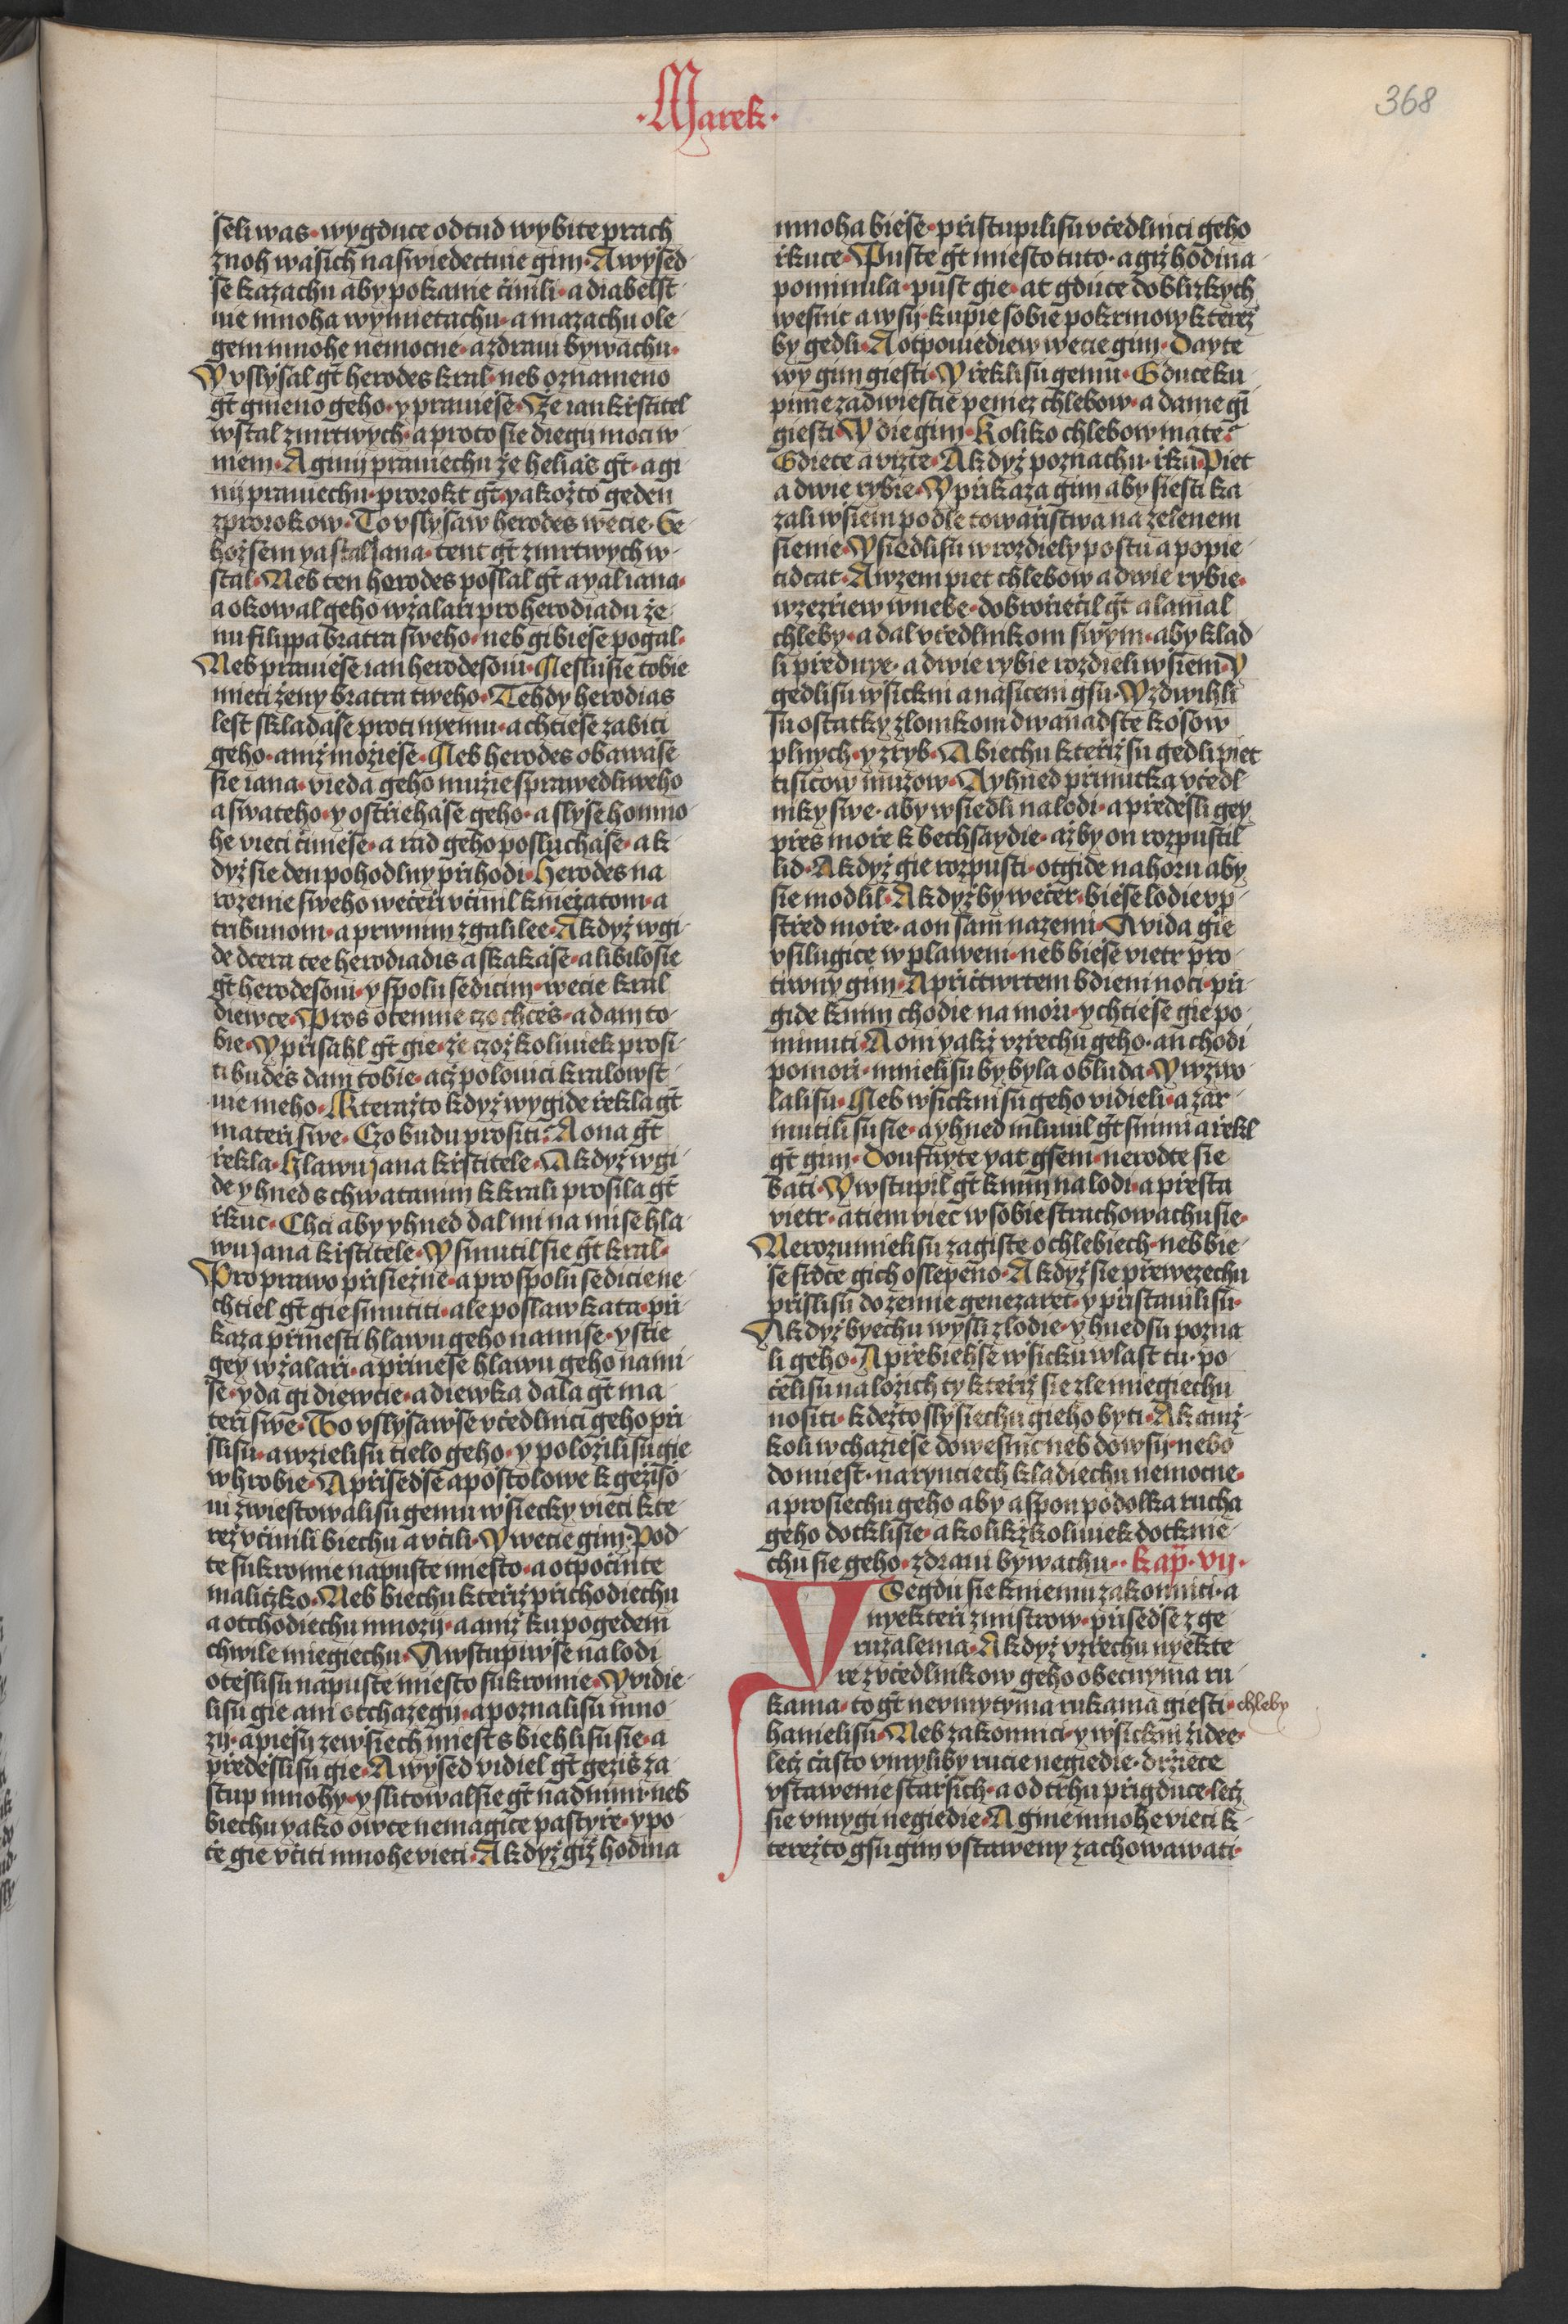ẛeli was.wygduce odtud wybíte prach
z noh waẛích na ſwiedectuie gim.A wyẛed¬
ẛe kazachu aby pokanie ċinili.a diabelſt¬
uíe mnoha wymietachu.a mazachu ole¬
gem mnohé nemocné.a zdraui bywachu
Y vſlyẛal ḡt herodes kral.neb oznameno¬
ḡt gmeno geho.y prauíeẛe.Że ian kṙſtitel
wſtal zmrtwych.a proto ſie diegij moci w
mém.A ginij prauíechu.że heliaṡ ḡt.a gi¬
nij prauiechu.prokokt ḡt yakożto geden
zprorokow.To vſlyẛaw herodes wecie.Ge¬
hoż ſem ya ſtal Iana.tent ḡt z mrtwych w¬
ſtal.Neb ten herodes poſlal ḡt ay yal iana
a okowal geho wżalaṙi pro herodiadu że¬
nu filippa bratra ſweho.neb gi bieẛe pogal.
Neb prauíeẛe ian herodeſowi.Neſluẛie tobie
mieti żeny bratra tweho.Tehdy herodias
leſt ſkladaẛe proti nyemu.a chtíeẛe zabiti
geho.aniż możieẛe.Neb herodes obawaẛe
ſie iana vieda geho mużie ſprawedliweho
a ſwateho y oſtṙiehaẛe geho.a ſlyẛe ho mno¬
he vieci ċiníeẛe.a rad geho poſluchaẛe.a k¬
dyż ſie den pohodlny pṙihodi.Herodes na¬
rozenie ſweho weċeṙi uċinil kníeżatom.a
tribunom.a prwním z galilee.A kdyż wgí¬
de dcera te herodiadis a ſkakaẛe.a libilo ſie
ḡt herodeſowi y ſpolu ſedícím.wecie kral
diewce.Pros ote mnie czo chceṡ.a dam to¬
bie y pṙiſahl ḡt gie.że czoż koliviek proſi¬
ti budeṡ dam tobie.acż polouici kralowſt¬
nie meho.Kterażto kdyż wytgide ṙekla ḡt
mateṙi ſwe.Czo budu proſiti?A ona ḡt
ṙekla.Hlawu Iana kṙſtitele.A kdyż wgi¬
de y hned w chwatanim k krali proſila ḡt
ṙkuc.Chci aby y hned dal mi na miſe hla¬
wu Iana kṙẛtitele.Y ſmutil ſie ḡt kral.
Pro prawo pṙiſíeżne.a pro ſpolu ſedícíe ne¬
chtiel ḡt gíe ſmutiti.ale poſtaw kata pṙi¬
kaza pṙineſti hlawu geho ne míſe.yſtie
hey wżalaṙi.a pṙineſe hlawu geho namí¬
ſe.yda gi diwcie.a diwka dala ḡt ma¬
teṙi ſwe.To vſlyẛawẛe vċedlnici geho pṙi¬
ẛli ſu.a wzieli ſu tielo geho.y polożili ſu gie¬
whrobie. A pṙiẛedẛe apoẛtolowé k geżíẛo¬
ui zwieſtowaliſu gemu wẛiecky vieci kte¬
reż vċinili bíechu a včili.Y wecie gim.Pod¬
te ſukromie napuſte mieſto.a otpoċinte
malicżko.Neb biechu kteříż pṙichodíechu
a otchodíechu mnozij.a aniž ku pogedeni
chwíle miegíechu.A wſtupiwẛe na lodi
oteẛliſu napuſté míeſto ſukromíe.Yvidie¬
li ſu gie ani otchazegij. a poznaliſu mno¬
zij. a pieẛij ze wẛiech mieſt sbiehli ſu ſie.a
pṙedeẛliſu gie.A wyẛed vidiel ḡt gezíš ža¬
ſtup mnohy.y ſlitouwal ſie ḡt nad nimi.neb
biechu y ako owce nemagíce paſtyṙe.y po¬
ċe gie vċiti mnohe vieci. A kdyż giž hodina
mnoha bíeẛe.pṙiſtupili ſu vċedlnici geho
ṙkuce.Puẛte ḡt mieſto tuto.a giż hodina
pominula.puſt gie.at gdúce doblizkych
weſnic.A wſij.kupíe ſobie pokrmow.ktereż
by gedli.A otpowiediew wecie gim.Dayte
wy gím gíeſti.Y ṙekli ſu gemu.Gduce ku¬
píme zadwieſtie peniez chlebow.a dame gī
gíeſti.Y ḋíe gim.Koliko chlebow mate?
Gdiete a vizte.A kdyż poznachu.ṙku.Piet
a dwie rybie.Y pṙikaza gim aby ſíeſti ka¬
zali wẛiem podle towaṙiſtwa na zelenem
ſienie.Y ſiedli ſu wrozdiely poſtu a popie¬
tidcat.A vzem piet chlebow a dwie rybie.
wzezṙiew wnebe.dobroṙieċil ḡt alamal
chléby.a dal vċedlnikom ſwym.aby klad¬
li pṙednye.a dwie rybie rozdieli wẛiem.Y
gedliſu wẛickni a naſiceni gſu.Yzdwihli
ſu oſtatky zlomkoni dwanadſte koẛow
plnych.y zryb.A bíechu kteříż ſu gedli piet
tiſicow. muzow.Ayhned pṙinutka vċedl¬
niky ſwe.aby wſiedli nalodí.a pṙedeẛli gey
pṙes moṙe k bethſaydie.aż by on rozpuſtil
lid.A kdyż gie rozpuſto.otgide nahoru aby
ſie modlil.A když by weċer.bíeẛe lodie rp¬
ſtṙed moṙe.a on ſam nazemi.A vida gie
vſilugíce w plaweni.neb bíeẛe vzetr pro¬
tiwny gim.A pṙiċtwrtem bdieni noci.pṙi¬
gide knim chodie na moṙi.y chtíeẛe gie po¬
minuti.A oni yakż vzṙechu geho.an chodí
poinoṙi.mnieliſu by byla obluda.Y wziw¬
laliſu.Neb wẛickni ſu geho vidieli.a zar¬
mutili ſu ſie.a yhned mluuil ḡt ſnimi a ṙekl
ḡt gim.Doufayte yat gſem.nerodte ſie
bati.Y wſtupil ḡt knim na lodi.a pṙeſta¬
víetr.a tiem víec.wſobie ſtrachowachu ſie.
Nerozumieli ſu zagiſte o chlebíech.neb bie¬
ẛe ſrdce gich oſlepeno.A když ſie pṙewezechu
pṙiẛli ſu do zemie genezaret.y pṙiſtauili ſu.
A kdyż byechu vyẛli zlodie.y hnedſu.pozna¬
li gwho.A pṙebiehẛe wẛicku wlaſt tu.po¬
ċeli ſu na lożích ty kteṙíż ſie zle miegíechu
noſiti.kdeżto ſlyẛiechu gieho byti.Akamž¬
koli wcházieẛe doweſnic neb dowſij.nebo
do mieſt.naryncíech kladíechu nemocne.
a proſiechu geho aby aſpon podalka rucha
geho dotkli ſie.a kolikžizoliuek dotknie¬
chu ſie geho.zdraui bywachu. kap̄. vij.
Segdu ſie k niemu zakonnici.a
nyekteṙi zmiſtrow.pṙiſeḋẛe z ge¬
ruzalema.A kdyż vzṙechu nyekte¬
ré z vċedlníkow geho obecnyma ru¬
kama.to ḡt nevmytyma rukama gíeſti. chleby
hanieli ſu.Neb zakonnici y wẛickni żidee.
lecż čaſto vmyliby rucie negíedie držiece
vſtraweníe ſtarẛích.a odtrhu pṙigduce.lecż
ſie vmygí negíedíe. A gíné mnohe vieci k¬
tereżto gſu gim vſtaweny zachowawati.